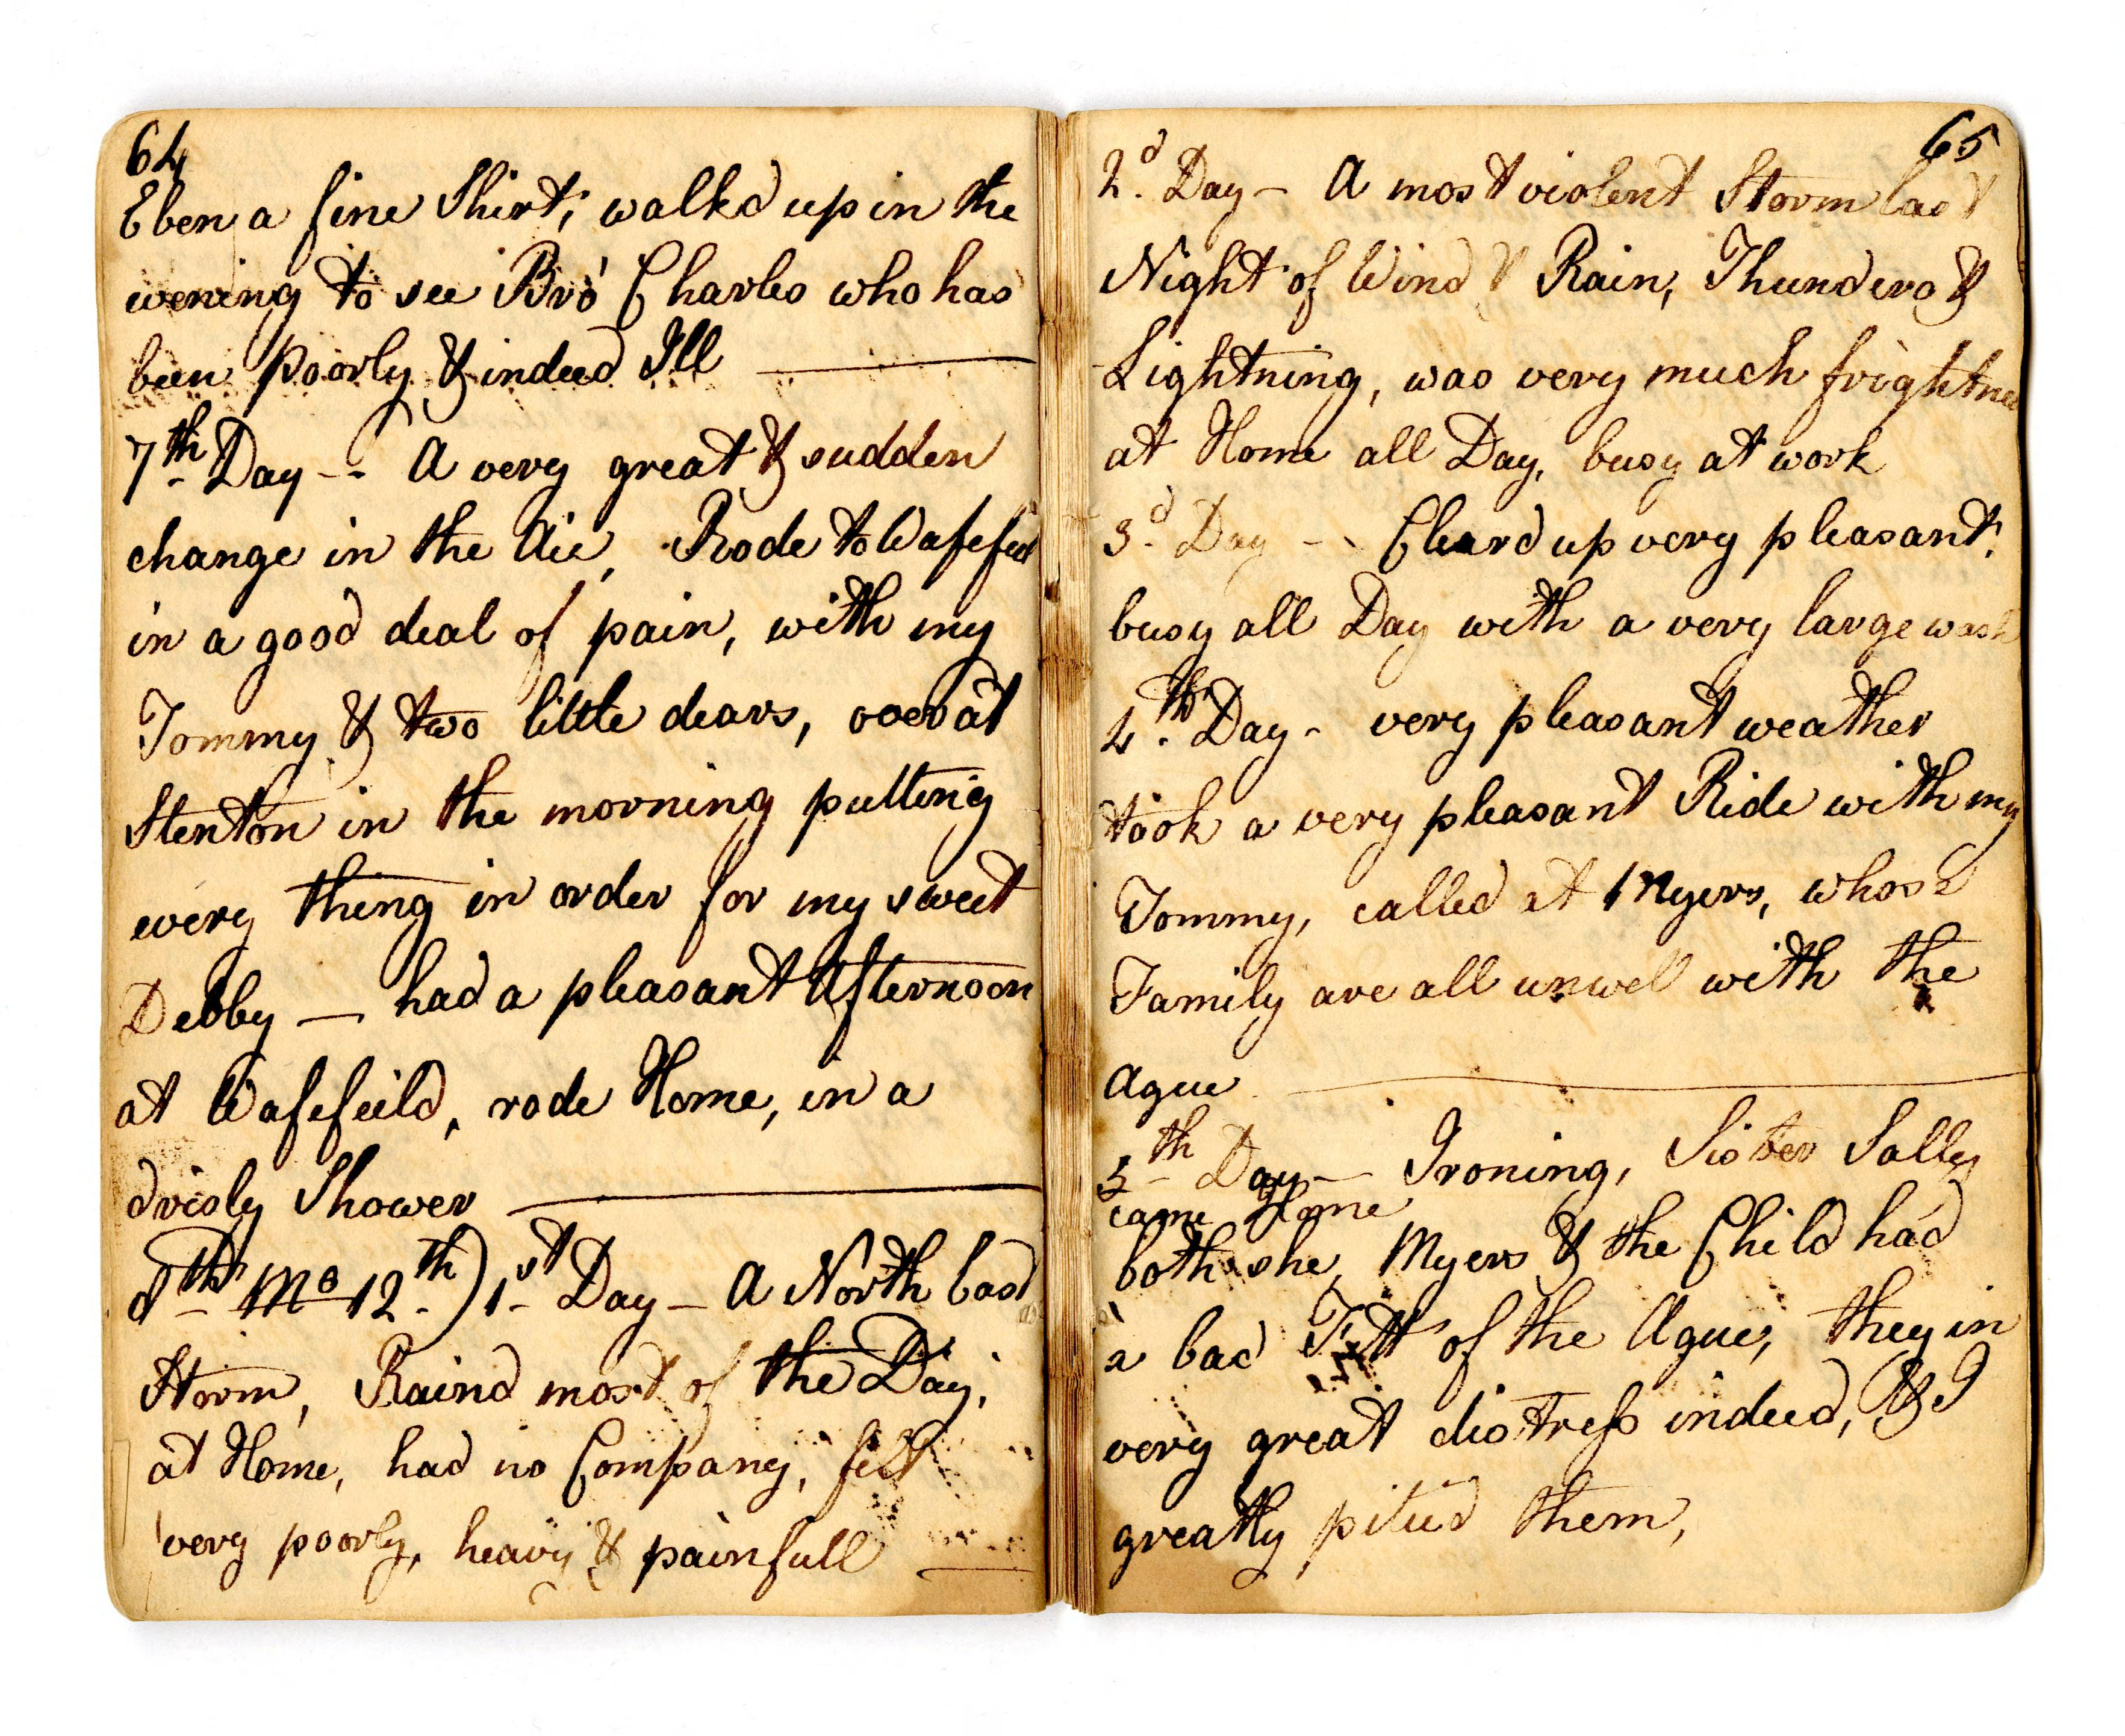Eben a fine Shirt, walkd up in the
evening to see Bro' Charles who has
been poorly & indeed Ill
7^th Day- A very great & sudden
change in the Air, Rode to Wafefeel
in a good deal of pain, with my
Tommy & two little dears, over at
Stenton in the morning putting
every thing in order for my sweet
Debby- had a pleasant Afternoon
at Wafefeild, rode Home, in a
drisly Shower
8^th M^o 12^th) 1^st Day- A North East
Storm, Raind most of the Day,
at Home, had no Company, felt
very poorly, heavy & painfull
2^d. Day- A most violent Storm last
Night of Wind & Rain, Thunders &
Lightning, was very much frightne
at Home all Day, busy at work
3^d. Day- Cleard up very pleasant,
busy all Day with a very large wash
4^th. Day- very pleasant weather
took a very pleasant Ride with my
Tommy, called at Myers, whose
Family are all unwell with the
Ague
5^th Day- Ironing, Sister Sally
came Home
both ^ she, Myers & the Child had
a bad Fitt of the Ague, they in
very great distress indeed, & I
greatly pitied them,